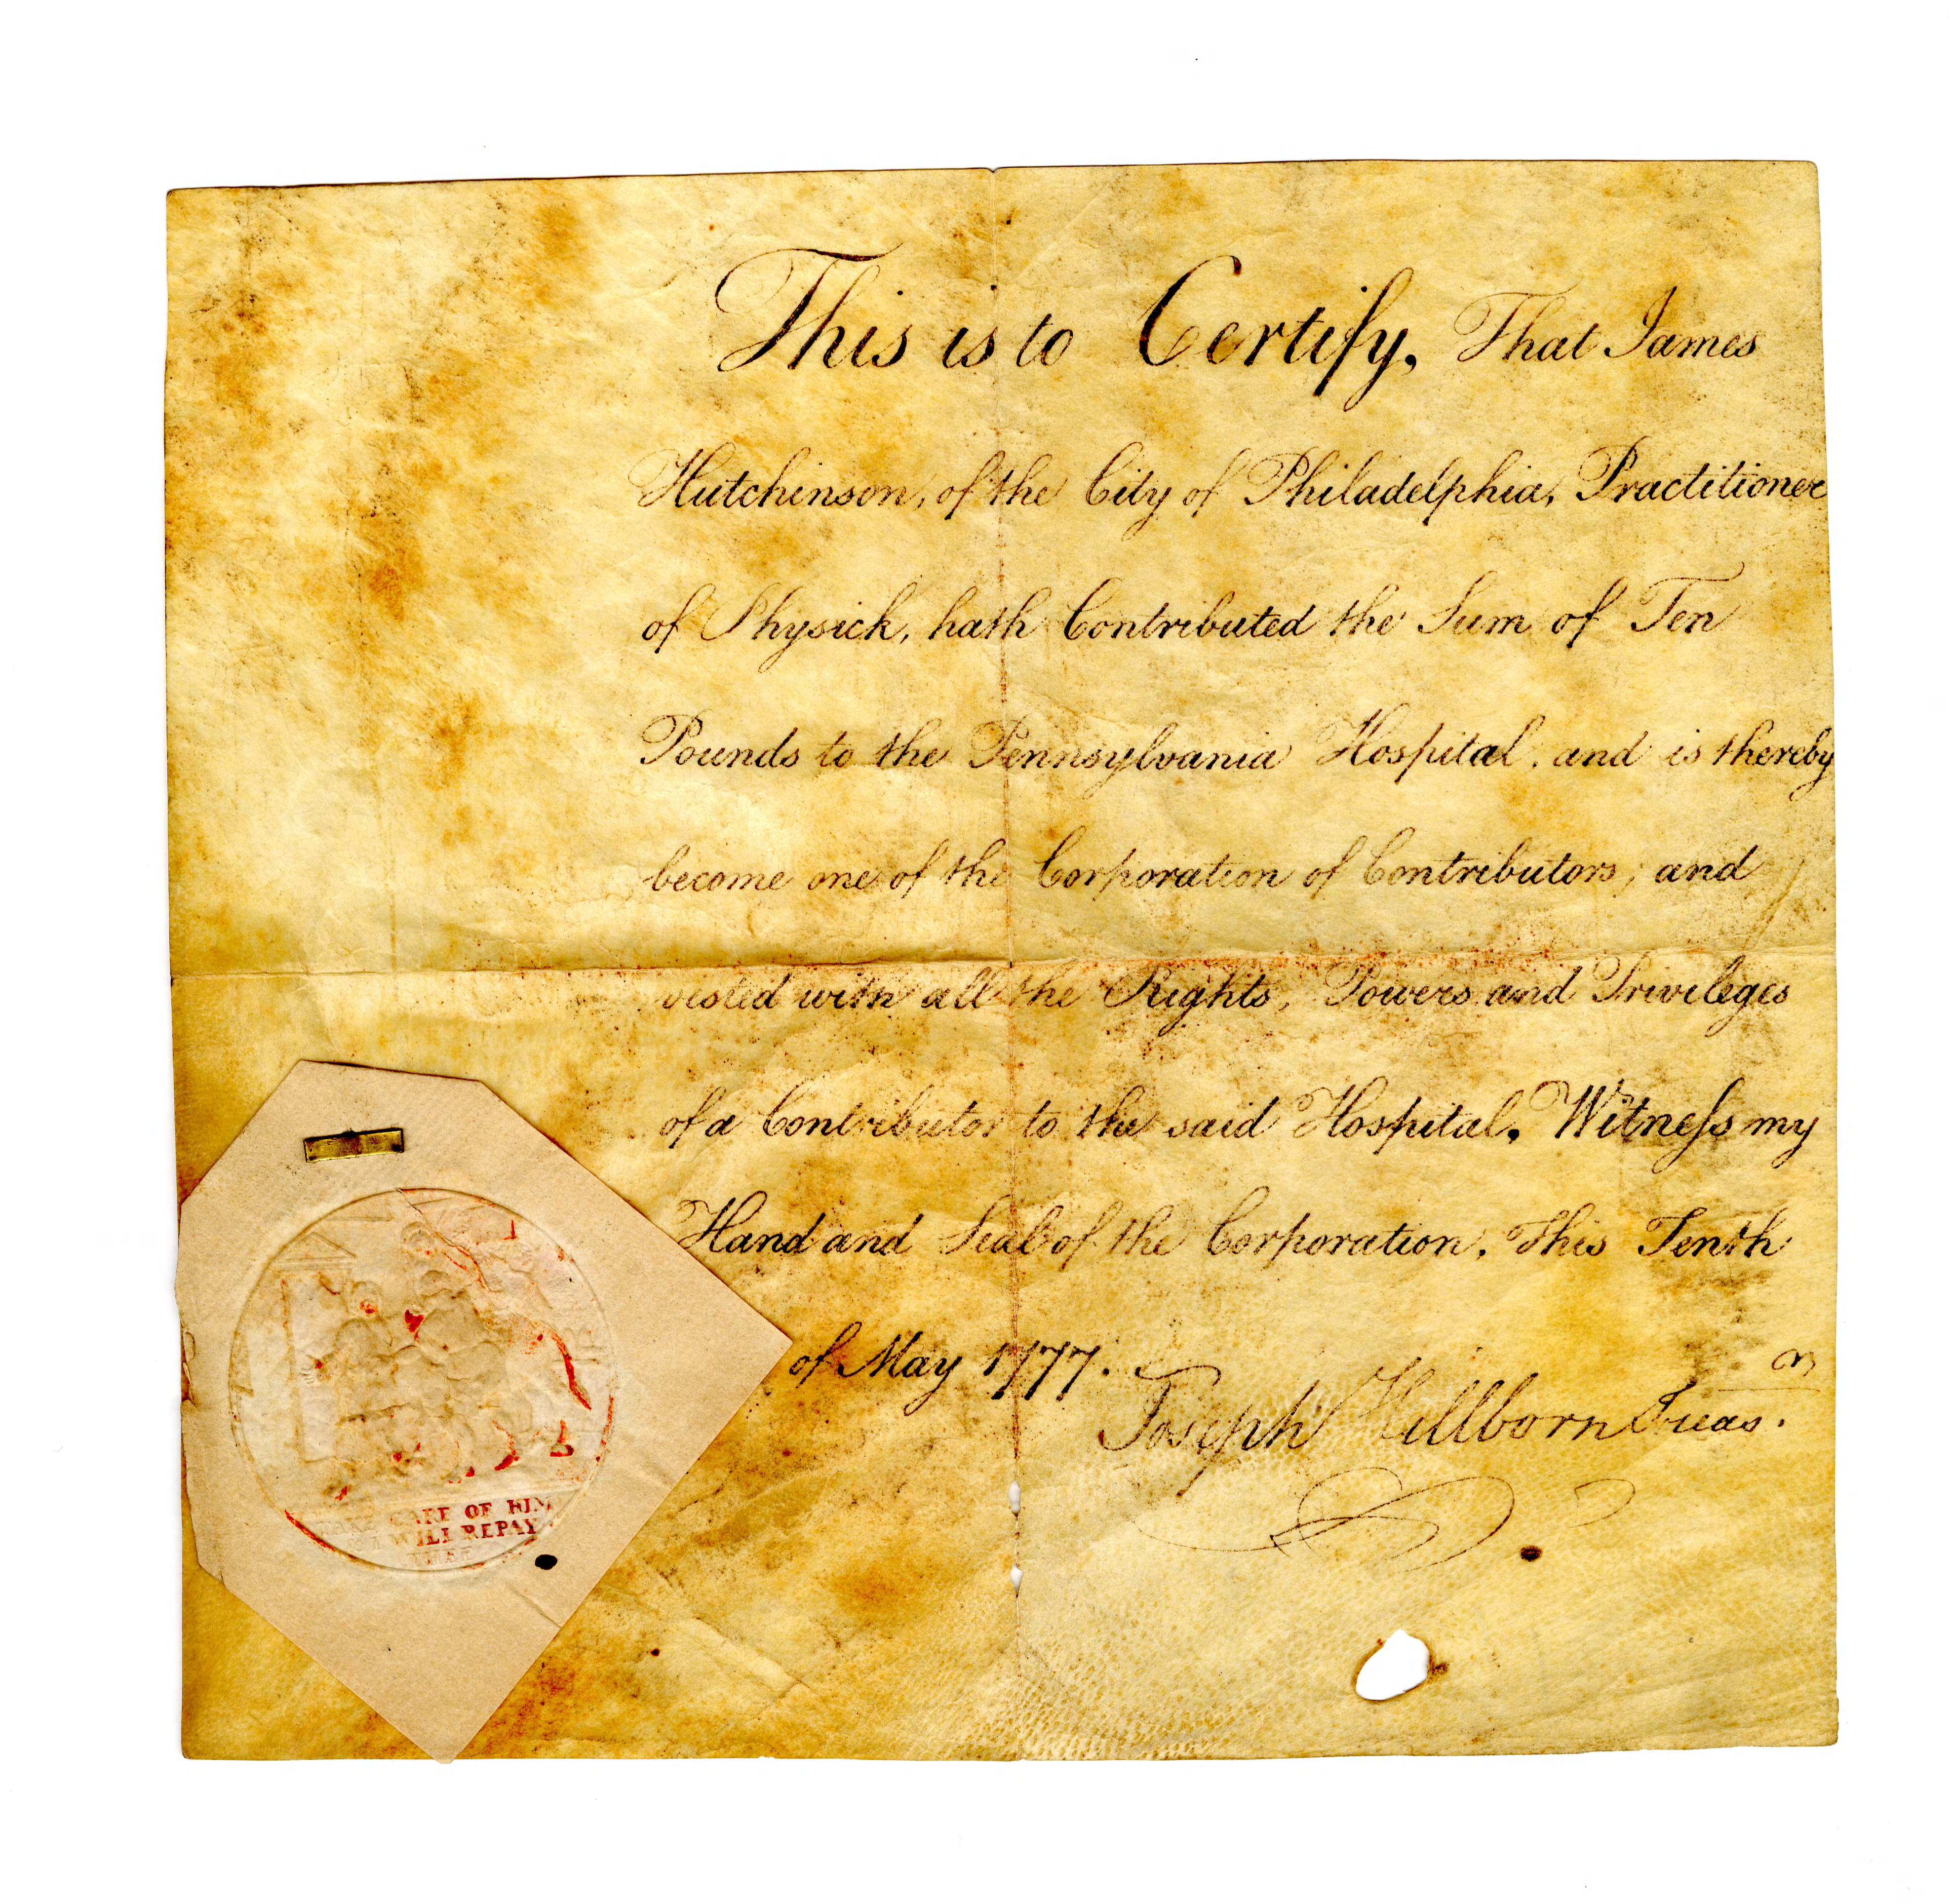This is to Certify, That James
Hutchinson of the City of Philadelphia, Practitioner
of Physick, hath Contributed the Sum of Ten
Pounds to the Pennsylvania Hospital, and is thereby
become one of the Corporation of Contributors; and
vested with all the Rights, Powers and Privileges
of a Contributor to the said Hospital. Witness my
Hand and Seal of the Corporation. This Tenth
of May 1777.
Joseph Hillborn Treas^r.